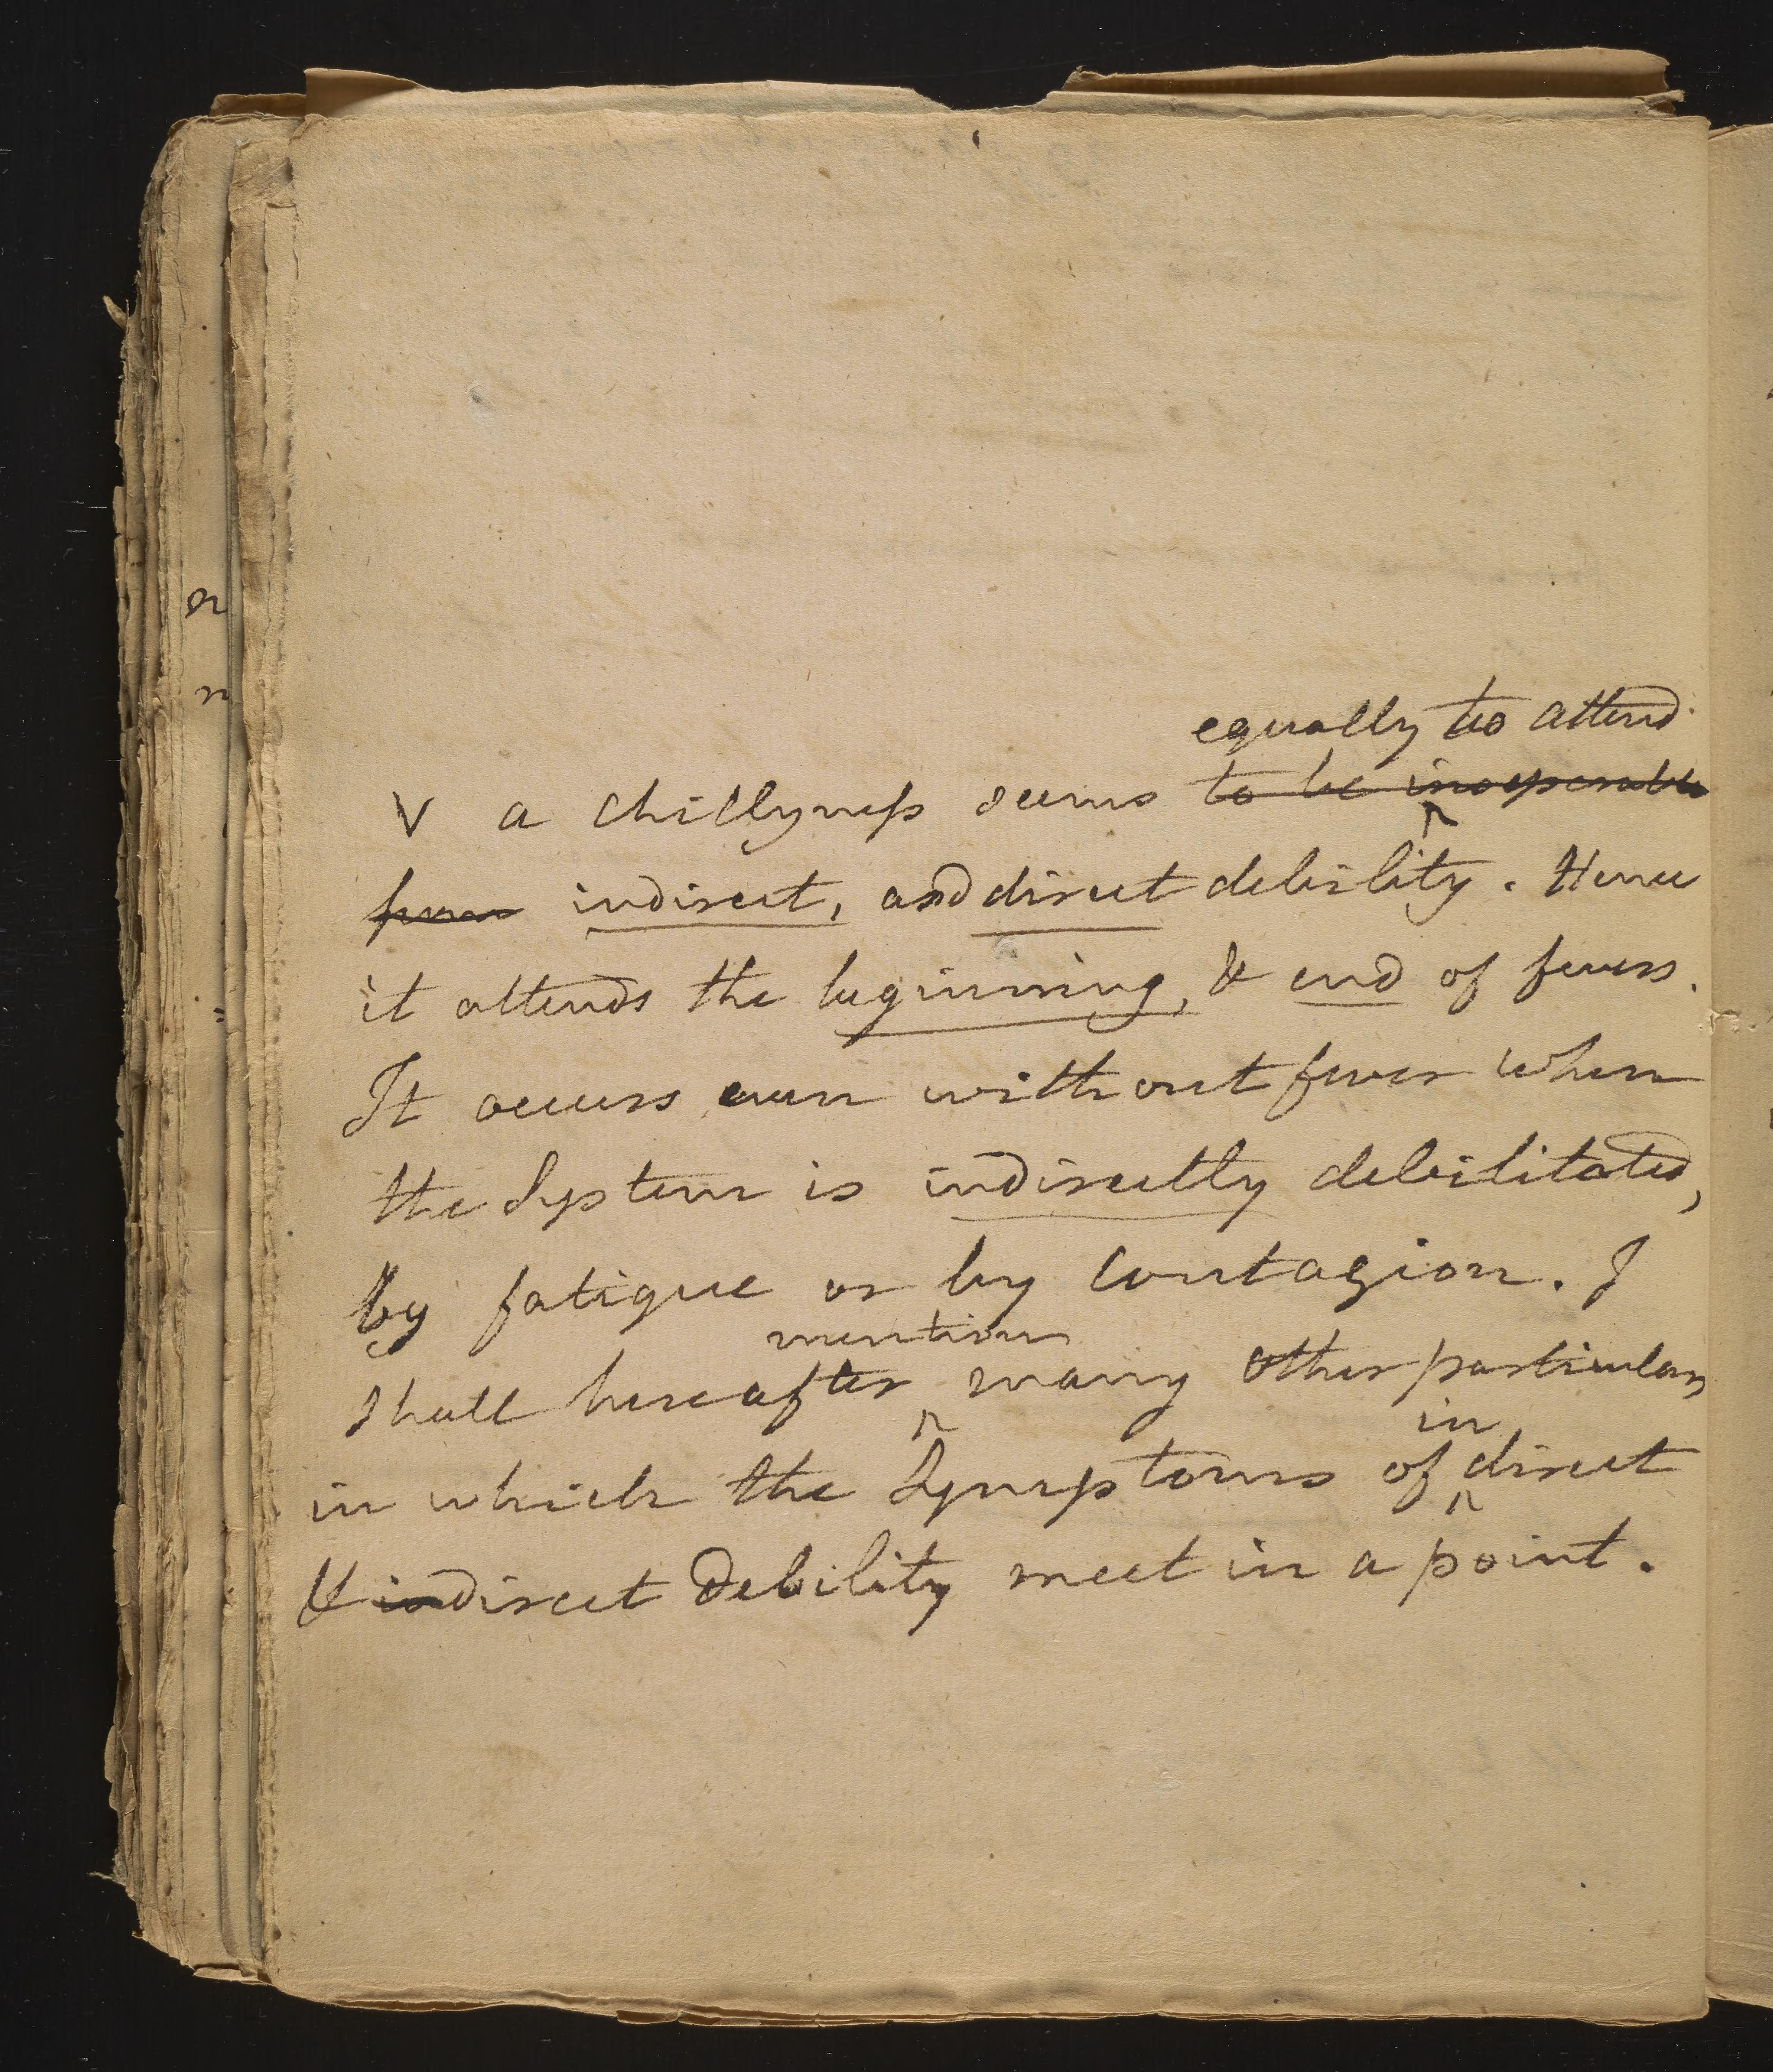equally to attend
V A chillyness seems [to be inseperable] ^
[from] indirect, and direct debility. Hence
it attends the beginning, & end of fevers.
It occurs even without fever when
the system is indirectly debilitated,
by fatigue or by contagion. I
mention
shall hereafter ^ many other particulars
in
in which the symptoms of ^ direct
& direct debility meet in a point.